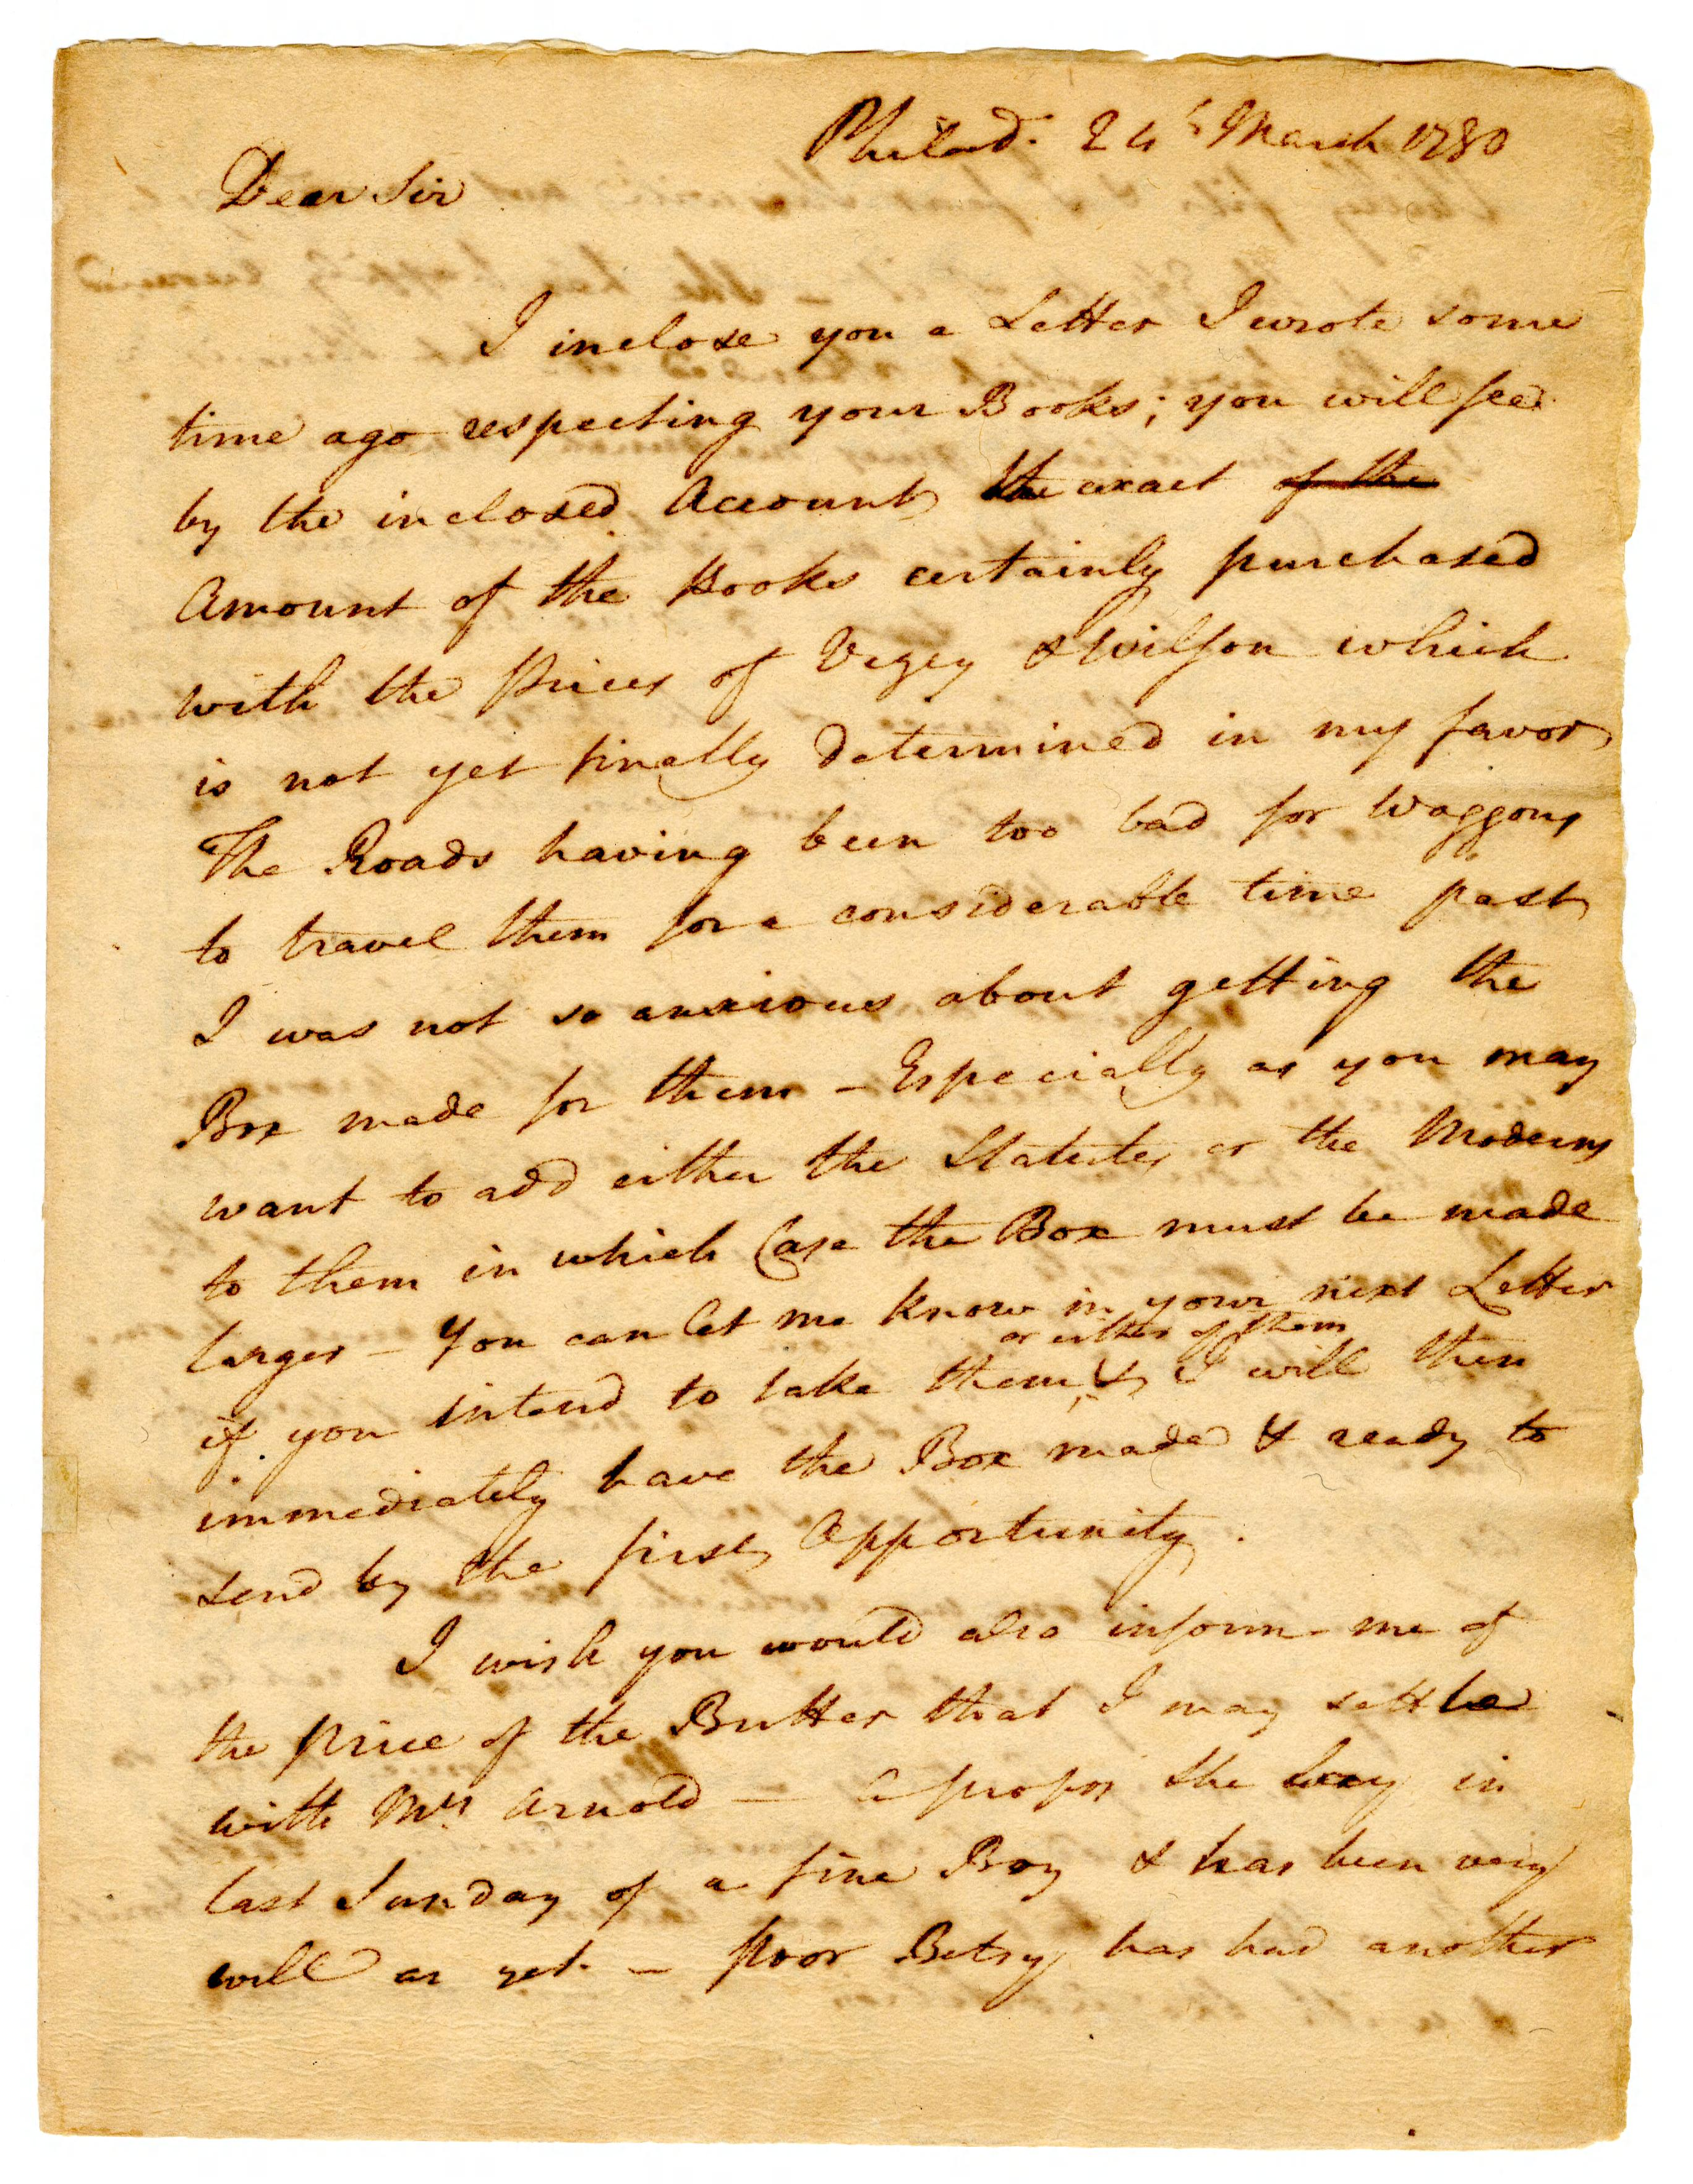Philad^a: 24^th March 1780
Dear Sir
I inclose you a Letter I wrote some
time ago respecting your Books; you will see
by the inclosed Account the exact of the
Amount of the Books certainly purchased
with the Prices of Vegey & Wilson which
is not yet finally determined in my favor
The Roads having been too bad for Waggons
to travel them for a considerable time past
I was not so anxious about getting the
Box made for them. Especially as you may
want to add either the Stateites or the Modern
to them in which Case the Box must be made
larger. You can let me know in your next Letter
or either of them
if you intend to take them ^ & I will then
immediately have the Box made & ready to
send by the first Opportunity.
I wish you would also inform me
the price of the Butter that I may settle
with M^rs. Arnold. A propos she lay in
last Sunday of a fine Boy & has been very
well as yet. Poor Betsy has had another